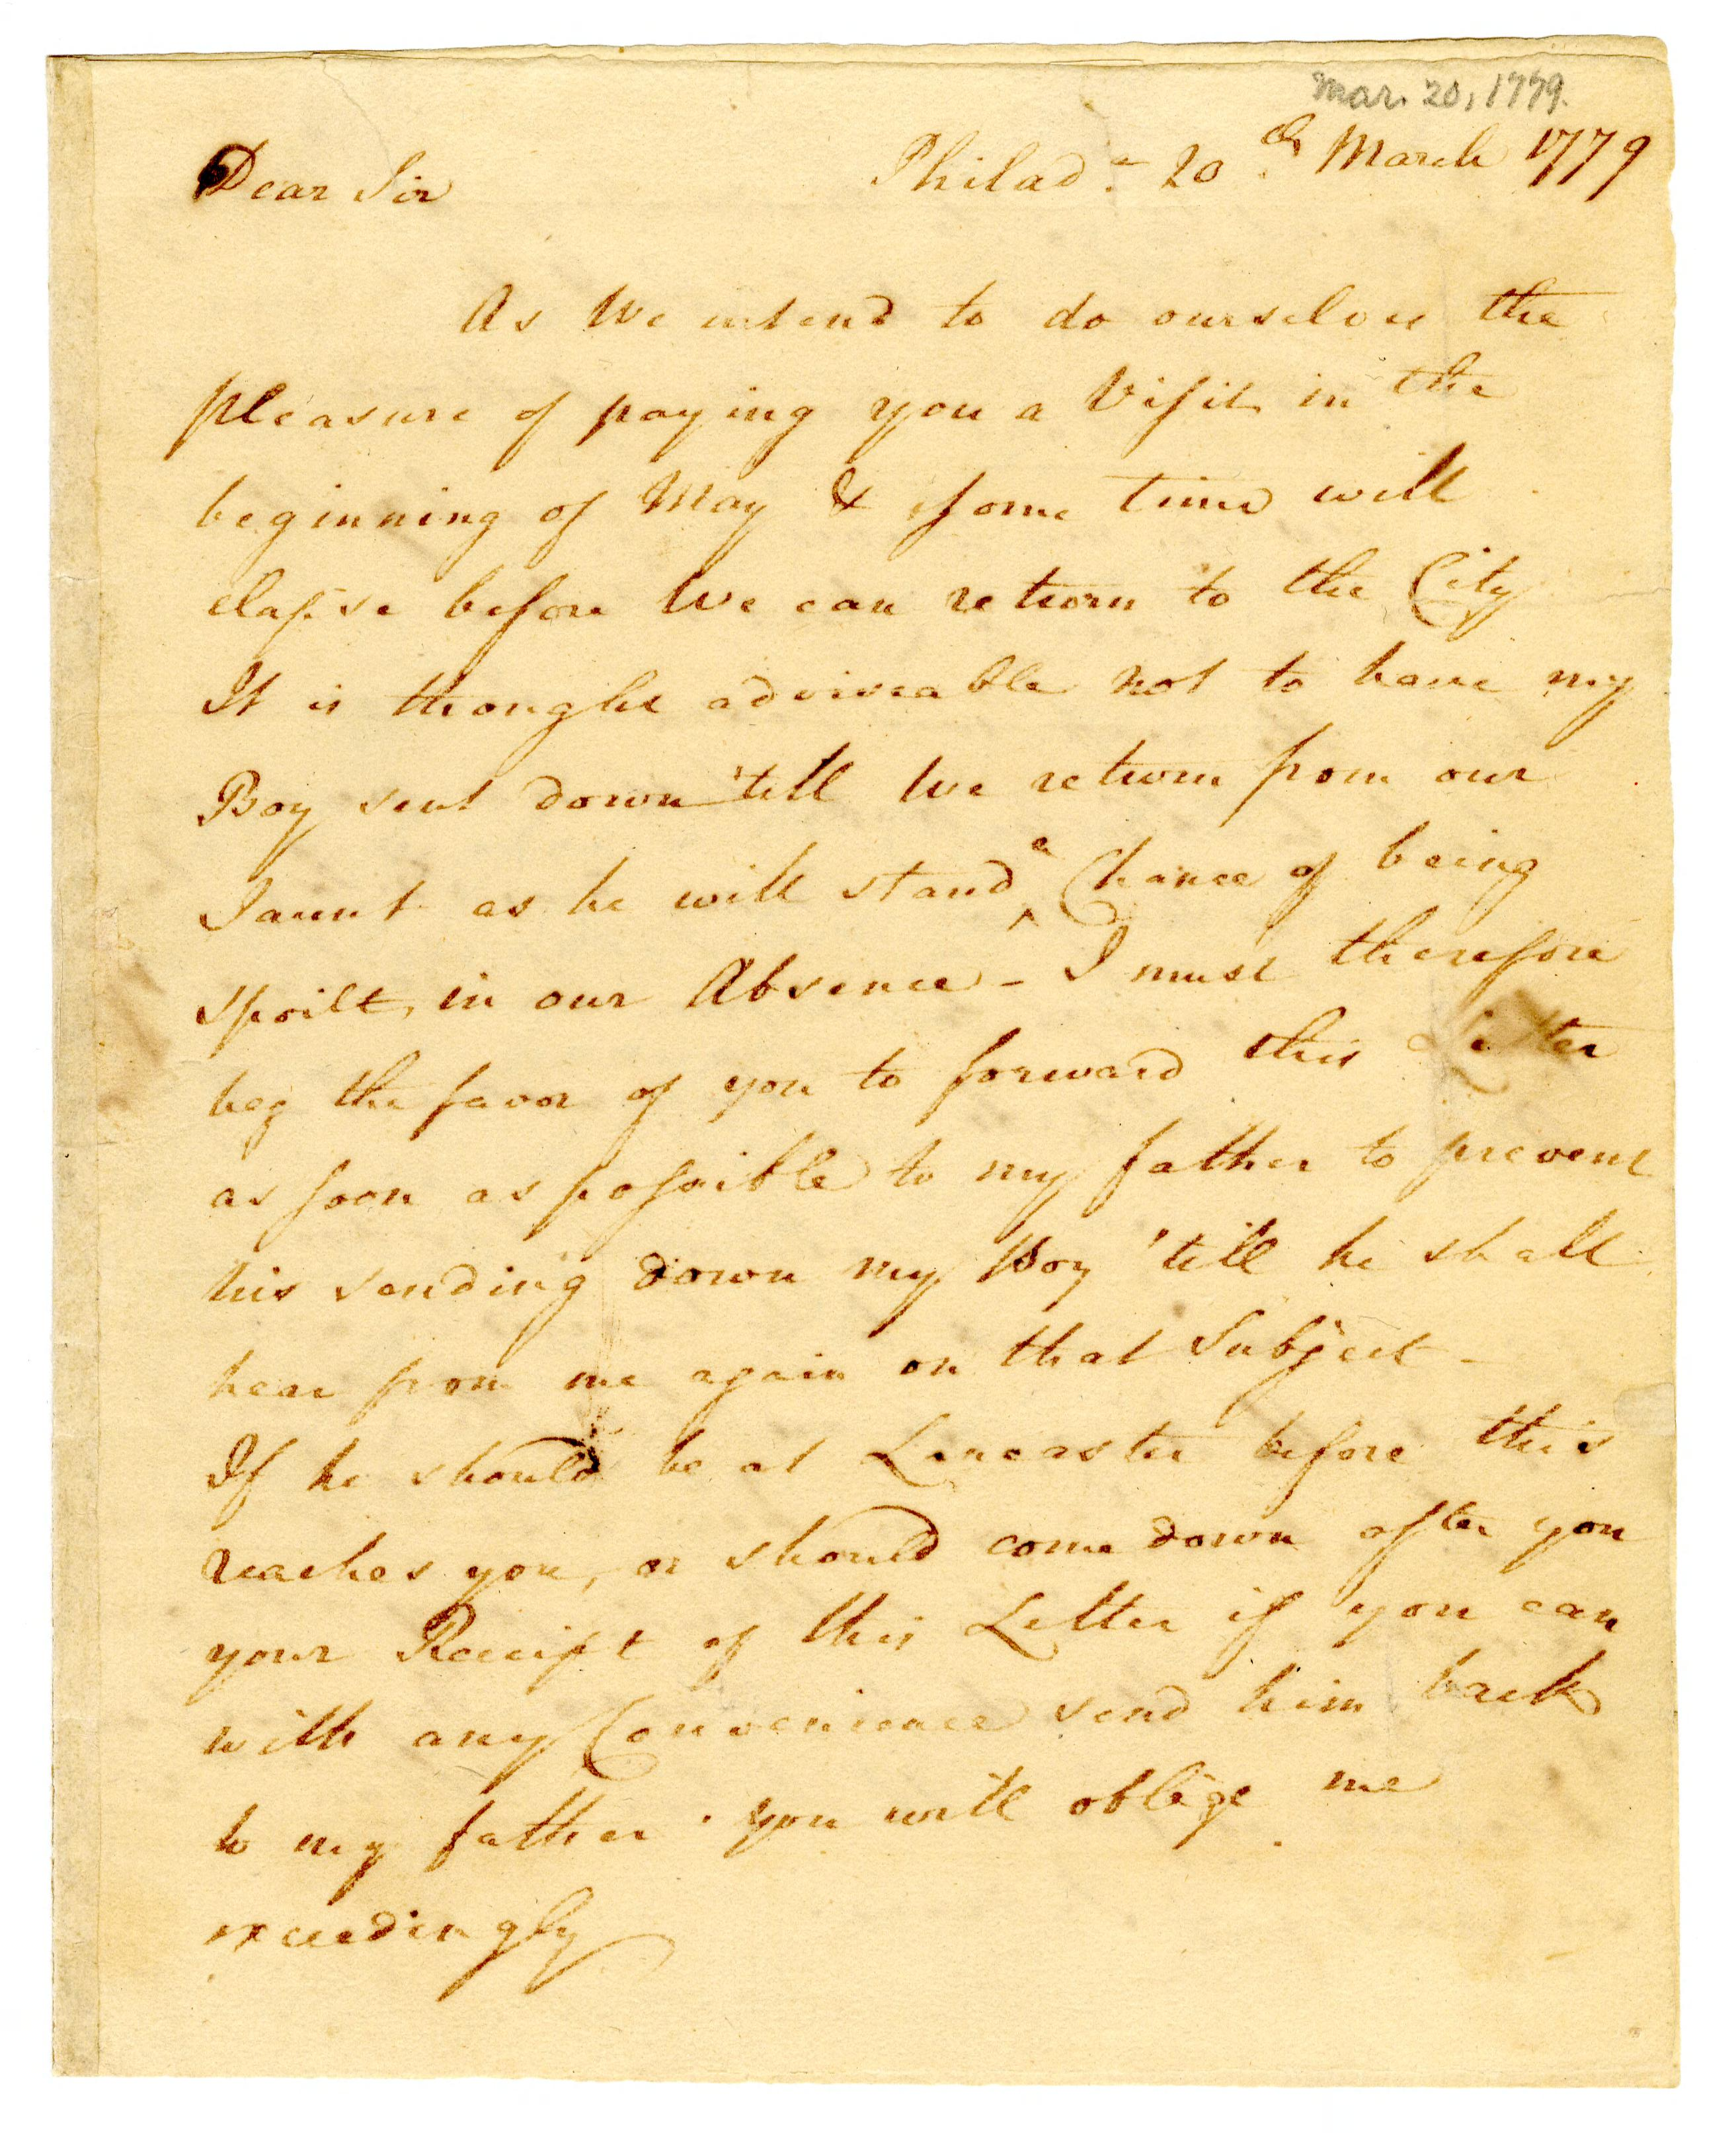Dear Sir
As We intend to do ourselves the
pleasure of paying you a Visit in the
beginning of May & some time will
elapse before We can return to the City
It is thought advisable not to have my
Boy sent down 'till We return from our
Jaunt as he will stand Chance of being
spoilt, in our Absence. I must therefore
beg the favor of you to forward this Letter
as soon as possible to my father to prevent
his sending down my Boy 'till he shall
hear from me again on that Subject
If he should be at Lancaster before this
reaches you, or should come down after you
your Receipt of this Letter if you can
will any Convenience send him back
to my father You will oblige me
exceedingly
Philad^a: 20 March 1779